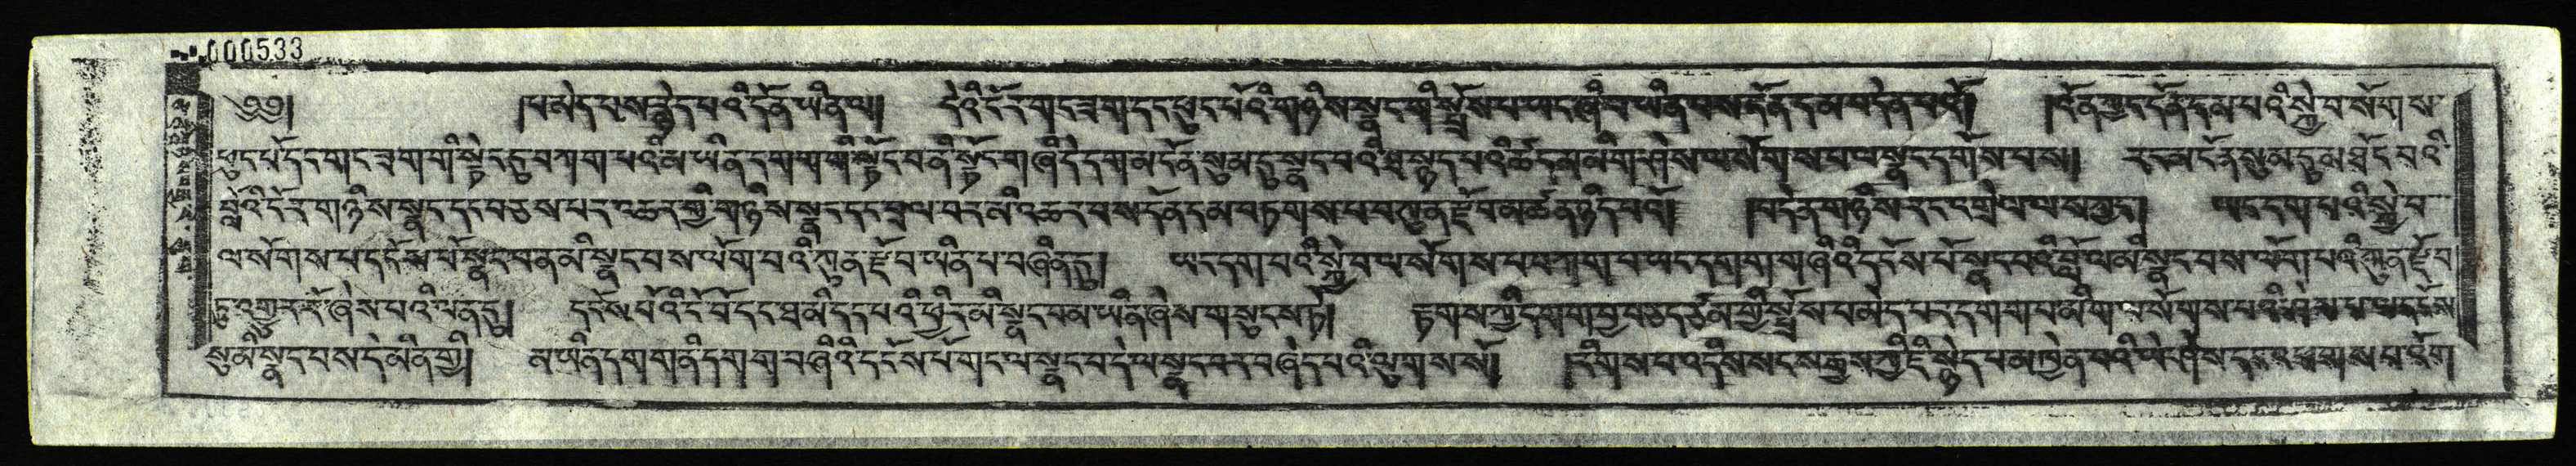༄༅། །པ་མེད་པས་རྙེད་པའི་དོན་ཡིན་ལ། དེའི་ངོར་གང་ཟག་དང་ཕུང་པོའི་གཉིས་སྣང་གི་སྤྲོས་པ་ཡང་ཞི་བ་ཡིན་པས་དོན་དམ་བདེན་པའོ། །འོན་ཀྱང་དོན་དམ་པའི་སྐྱེ་བ་སོགས་
ཕུང་པོ་དང་གང་ཟག་གི་སྟེང་དུ་བཀག་པའི་མ་ཡིན་དགག་གི་སྟོང་པ་ནི་སྟོང་གཞི་དེ་དག་མངོན་སུམ་དུ་སྣང་བའི་ཐ་སྙད་པའི་ཚད་མ་མིག་ཤེས་ལ་སོགས་པ་ལ་སྣང་དགོས་པས། རང་མངོན་སུམ་དུ་མཐོང་བའི་
བློའི་ངོར་གཉིས་སྣང་དང་བཅས་པར་འཆར་གྱི་གཉིས་སྣང་དང་བྲལ་བར་མི་འཆར་བས་དོན་དམ་བཏགས་པ་བ་ཀུན་རྫོབ་མཚན་ཉིད་པའོ། །བདེན་གཉིས་རང་འགྲེལ་ལས་ཀྱང་། ཡང་དག་པའི་སྐྱེ་བ་
ལ་སོགས་པ་དངོས་པོ་སྣང་བ་ན་མི་སྣང་བས་ལོག་པའི་ཀུན་རྫོབ་ཡིན་པ་བཞིན་དུ། ཡང་དག་པའི་སྐྱེ་བ་ལ་སོགས་པ་བཀག་པ་ཡང་དགག་གཞིའི་དངོས་པོ་སྣང་བའི་བློ་ལ་མི་སྣང་བས་ལོག་པའི་ཀུན་རྫོབ་
ཏུ་འགྱུར་རོ་ཞེས་པའི་ལན་དུ། དངོས་པོའི་ངོ་བོ་དང་ཐ་མི་དད་པའི་ཕྱིར་མི་སྣང་བ་མ་ཡིན་ཞེས་གསུངས་ཏེ། རྟགས་ཀྱི་དགག་བྱ་བཅད་ཙམ་གྱི་སྤྲོས་པ་མེད་པར་དགག་པ་མིག་ལ་སོགས་པའི་ཤེས་པ་ལ་དངོས་
སུ་མི་སྣང་བས་དེ་མིན་གྱི། མ་ཡིན་དགག་ནི་དགག་བཞིའི་དངོས་པོ་གང་ལ་སྣང་བ་དེ་ལ་སྣང་བར་བཞེད་པའི་ལུགས་སོ། །རིགས་པ་འདིས་སངས་རྒྱས་ཀྱི་ཇི་སྙེད་པ་མཁྱེན་པའི་ཡེ་ཤེས་དང་འཕགས་པ་འོག་